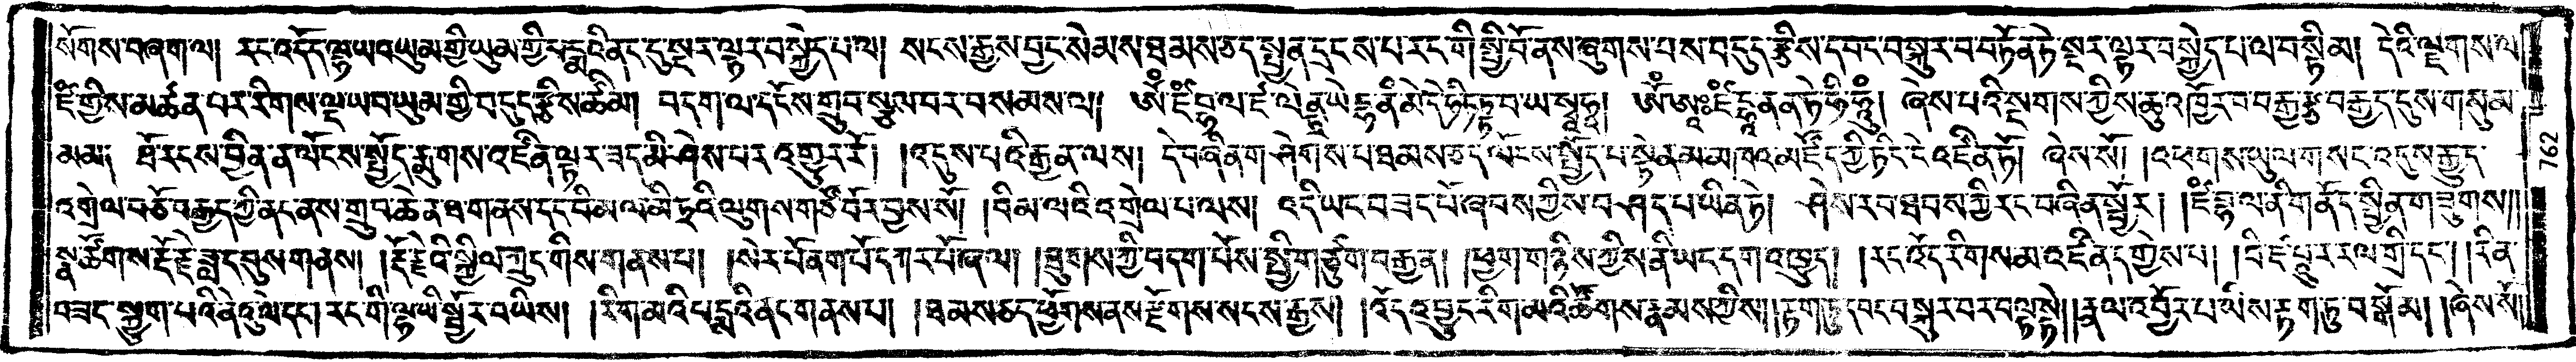སོགས་བཞག་ལ། རང་འདོད་ལྷ་ཡབ་ཡུམ་གྱི་པདམའི་ནང་དུ་སྔར་ལྟར་བསྐྱེད་པ་ལ། སངས་རྒྱས་བྱང་སེམས་ཐམས་ཅད་སྤྱན་དྲངས་པ་རང་གི་སྤྱི་བོ་ནས་ཞུགས་པས་བདུད་རྩིས་དབང་བསྐུར་བ་བཏོན་ཏེ་སྔར་ལྟར་བསྐྱེད་པ་ལ་བསྟིམ། དེའི་ལྗགས་ལ་
?ཛཾ་གྱིས་མཚན་ཡར་རིགས་ལྔ་ཡབ་ཡུམ་གྱི་བདུད་རྩིས་ཚིམ། བདག་ལ་དངོས་གྲུབ་སྩལ་བར་བསམས་ལ། ཨོཾ་ཛ་བྷ་ལ་ཛ་ལེནྟྲ་ཡེ་དྷ་ནཾ་མེ་དེ་ཧི་ཏ་ཏཏ་བ་ཡ་སྭཱ་ཧཱ། ཨོཾ་ཨཱཿ ཛཾ་དྷཱ་ནན་ཏེ་ཧི་ཧཱུཾ། ཞེས་པའི་སྔགས་ཀྱིས་ཆུ་འཁྱོར་བ་བརྒྱ་རྩ་བརྒྱད་དུས་གསུམ་
མམ། ཐོ་རངས་བྱིན་ན་ལོངས་སྤྱོད་རྨུགས་འཛིན་ལྟར་ཟད་མི་ཤེས་པར་འགྱུར་རོ། །འདུས་པའི་རྒྱན་ལས། དེ་བཞིན་གཤེགས་པ་ཐམས་ཅད་ལོངས་སྤྱོད་པ་སྟེན་མ་མཁའ་མཛོད་ཀྱི་ཏིང་ངེ་འཛིན་ཏོ། ཞེས་སོ། །འཕགས་ཡུལ་གསང་འདུས་རྒྱུད་
འགྲེལ་བཅོ་བརྒྱད་ཀྱི་ནང་ནས་གྲུབ་ཆེན་བ་གཞས་དང་པིམ་ལ་མི་ཏྲའི་ལུགས་གཙོ་བོར་བྱས་སོ། །བིམ་ལའི་འགྲེལ་པ་ལས། འདི་ཡང་བཟང་པོ་ཞབས་ཀྱིས་བཤད་པ་ཡིན་ཏེ། ཤེས་རབ་ཐབས་ཀྱི་རང་བཞིན་སྦྱོར། །ཛཾ་བྷ་ལ་ནི་གནོད་སྦྱོན་གཟུགས།།
སྣ་ཚོགས་རྡོ་རྗེ་ཟླ་དབུས་གནས། །རྡོ་རྗེའི་སྐྱིལ་ཟུར་གིས་གནས་པ། །སེར་པོ་ནག་པོ་དཀར་པོ་ཞལ། །ཐུགས་ཀྱི་བདག་པོས་སྤྱི་གཙུག་བརྒྱན། །ཕྱག་གཉིས་ཀྱིས་ནི་ཡང་དཀ་འབྱུང་། །རང་འོད་རིགས་མ་འཛིན་དགྱེས་པ། །བི་ཛ་པཱུ་ར་རལ་གྲི་དང་། །རིན་
བཟང་སྐྱུག་པའི་ནེའུ་ལེ་དང་། རང་གི་ལྟ་ཡི་སྦྱོར་བ་ཡིས། །རིག་མའི་པདམའི་ནང་གནས་པ། །ཐམས་ཅད་ཕྱོགས་ནས་རྫོགས་སངས་རྒྱས། །འོད་འབྱུང་རིག་མའི་ཚོགས་རྣམས་ཀྱིས། །རྟག་ཏུ་དབང་བསྐུར་བར་བལྟ་སྟེ། །རྣལ་འབྱོར་པ་ཡིས། རྟག་ཏུ་བསྒོམ། །ཞེས་སོ།།